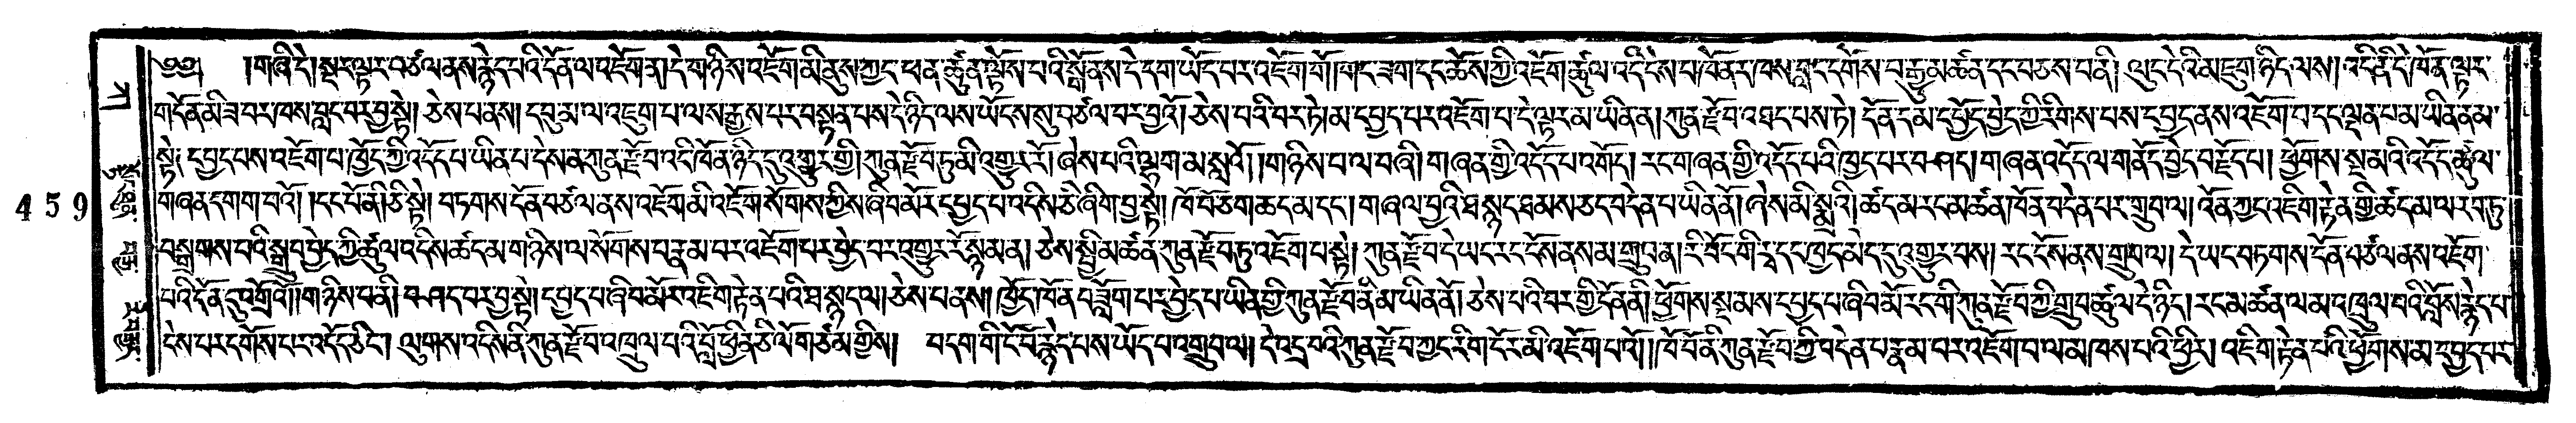༄༅། །གཞི་དེ། སྔར་ལྟར་བཙལ་ནས་རྙེད་པའི་དོན་ལ་འཇོག་ན། དེ་གཉིས་འཇོག་མི་ནུས་ཀྱང་ཕན་ཚུན་ལྟོས་པའི་སྒོ་ནས་དེ་དག་ཡོད་པར་འཇོག་གོ །གང་ཟག་དང་ཆོས་ཀྱི་འཇོག་ཚུལ་འདི་ངེས་པ་ཁོ་ནར་ཁས་བླང་དགོས་བ་རྒྱུ་མཚན་དང་བཅས་བ་ནི། ལུང་དེའི་མཇུག་ཉིད་ལས། འདི་ནི་དེ་ཁོ་ན་ལྟར་
གདོན་མི་ཟ་བར་ཁས་བླང་བར་བྱ་སྟེ། ཅེས་པ་ནས། དབུ་མ་ལ་འཇུག་པ་ལས་རྒྱས་པར་བསྟན་པས་དེ་ཉིད་ལས་ཡོངས་སུ་བཙལ་བར་བྱའོ། ཅེས་པའི་བར་ཏེ། མ་དཔྱད་བར་འཇོག་པ་དེ་ལྟར་མ་ཡིན་ན། ཀུན་རྫོབ་འཐད་པས་ཏེ། དོན་དམ་དཔྱོད་བྱེད་ཀྱི་རིགས་པས་དཔྱད་ནས་འདོག་པ་དང་ལྡན་པ་མ་ཡིན་ནམ་
སྟེ༑ དཔྱད་བས་འཇོག་པ་ཁྱོད་ཀྱི་འདོད་པ་ཡིན་པ་དེས་ན་ཀུན་རྫོབ་འདི་ཁོ་ན་ཉིད་དུ་འགྱུར་གྱི། ཀུན་རྫོབ་ཏུ་མི་འགྱུར་རོ། ཞེས་པའི་ལྷག་མ་སླའོ། །གཉིས་པ་ལ་བཞི། གཞན་གྱི་འདོད་པ་འགོད། རང་གཞན་གྱི་འདོད་པའི་ཁྱད་པར་བཤད། གཞན་འདོད་ལ་གནོད་བྱེད་བརྗོད་པ། ཕྱོགས་སྔ་མའི་འདོད་ཚུལ་
གཞན་དགག་བའོ། །དང་པོ་ནི། ཅི་སྟེ། བཏགས་དོན་བཙལ་ནས་འཇོག་མི་འཇོག་སོགས་ཀྱིས་ཞིབ་མོར་དཔྱད་པ་འདིས་ཅི་ཞིག་བྱ་སྟེ། ཁོ་བོ་ཅག་ཆད་མ་དང་། གཞལ་བྱའི་ཐ་སྙད་ཐམས་ཅད་བདེན་པ་ཡིན་ནོ། ཞེས་མི་སྨྲའི། ཚད་མ་རང་མཚན་ཁོན་བདེན་པར་གྲུབ་ལ། འོན་ཀྱང་འཇིག་རྟེན་གྱི་ཚད་མ་ལ་རབ་ཏུ་
བསྒྲགས་པའི་སྒྲུབ་བྱེད་ཀྱི་ཚུལ་འདིས་ཚད་མ་གཉིས་ལ་སོགས་པ་རྣམ་བར་འཇོག་པར་བྱེད་བར་འགྱུར་རོ་སྙམ་ན། ཅེས་སྤྱི་མཚན་ཀུན་རྫོབ་ཏུ་འཇོག་བ་སྟེ། ཀུན་རྫོབ་དེ་ཡང་རང་ངོས་ནས་མ་གྲུབ་ན། རི་བོང་གི་རྭ་དང་ཁྱད་མེད་དུ་འགྱུར་བས། རང་ངོས་ནས་གྲུབ་ལ། དེ་ཡང་བཏགས་དོན་བཙལ་ནས་འཇོག་
པའི་དོན་དུ་འགྲོའོ། །གཉིས་པ་ནི། བཤད་པར་བྱ་སྟེ། དཔྱད་པ་ཞིབ་མོར་འཇིག་རྟེན་པའི་ཐ་སྙད་ལ། ཅེས་པ་ནས། ཁྱོད་ཁོ་ན་བཟློག་པར་བྱེད་པ་ཡིན་གྱི་ཀུན་རྫོབ་ནི་མ་ཡིན་ནོ། ཅེས་པའི་བར་གྱི་དོན་ནི། ཕྱོགས་སྔམས་དཔྱད་པ་ཞིབ་མོ་རང་གི་ཀུན་རྫོབ་ཀྱི་གྲུབ་ཚུལ་དེ་ཉིད། རང་མཚན་ལམ་འཁྲུལ་བའི་བློས་རྙེད་པ་
དེས་པར་དགོས་པར་འདོད་ཅིང་། ལུགས་འདིས་ནི་ཀུན་རྫོབ་འཁྲུལ་བའི་བློ་ཕྱིན་ཅི་ལོག་ཙམ་གྱིས། བདག་གི་ངོ་བོ་རྙེད་པས་ཡོད་བ་འགྲུབ་ལ། དེ་འདྲ་བའི་ཀུན་རྫོབ་ཀྱང་རིག་ངོར་མི་འཇོག་པའོ། །ཁོ་བོ་ནི་ཀུན་རྫོབ་ཀྱི་བདེན་པ་རྣམ་པར་འཇོག་བ་ལ་མཁས་པའི་ཕྱིར། འཇིག་རྟེན་པའི་ཕྱོགས་མ་དཔྱད་པར་